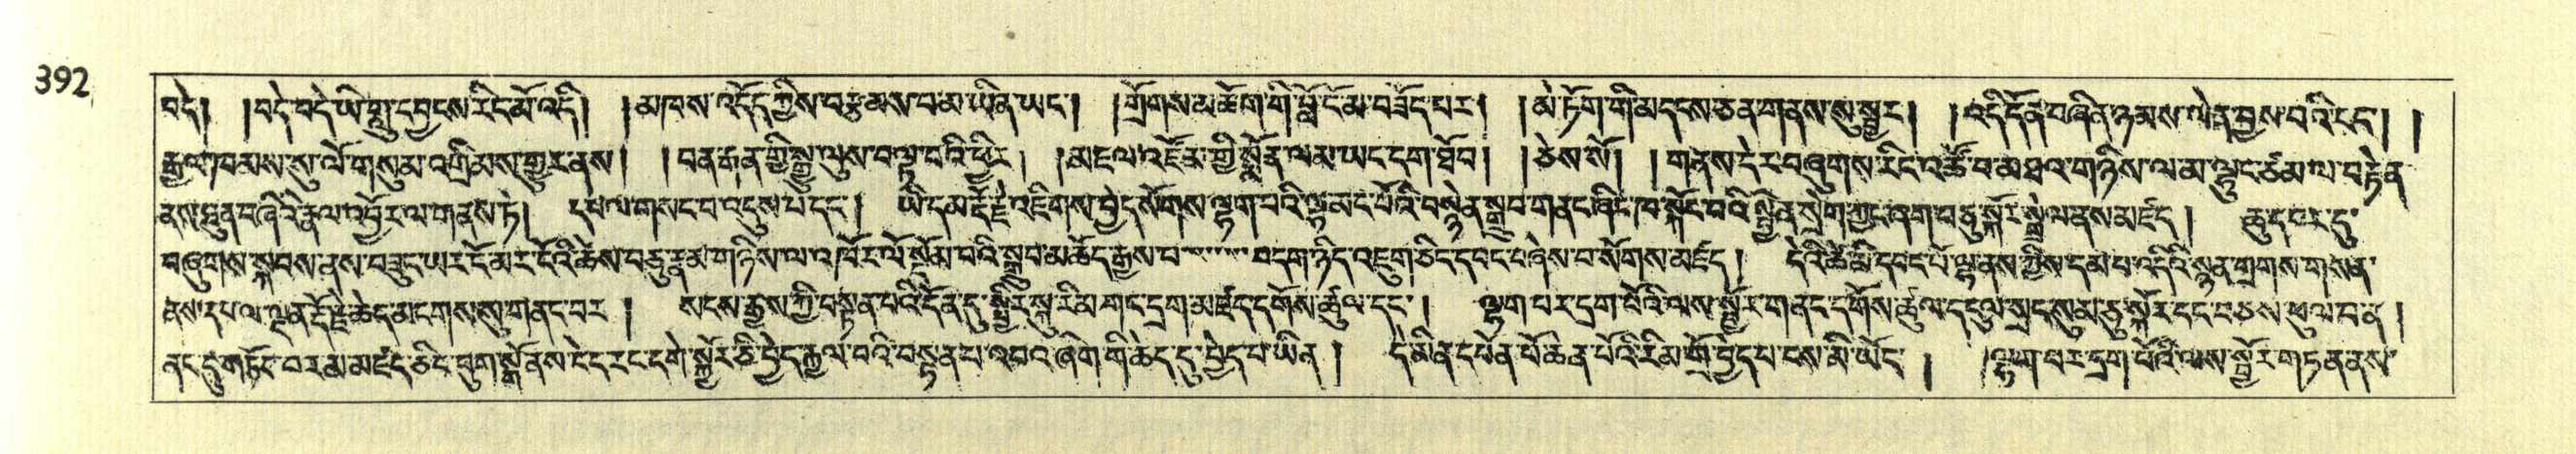བདེ། །བདེ་བདེ་ཡི་གླུ་དབྱངས་རིང་མོ་འདི། །མཁས་འདོད་ཀྱིས་བརྩམས་བ་མ་ཡིན་ཡང་། །གྲོགས་མཆོག་གི་བློ་ངོ་མ་བཟོད་པར། །མེ་ཏོག་གི་མདངས་ཅན་གནས་སུ་སྦྱར། །འདི་དོན་བཞིན་ཉམས་ལེན་བྱས་བའི་དང་། །
རྒྱལ་ཁམས་སུ་ལོ་གསུམ་འགྲིམས་གྱུར་ནས། །བན་རྒན་གྱི་སྒྱུ་ལུས་བལྟ་བའི་ཕྱིར། །མཇལ་འཛོམ་གྱི་སྨོན་ལམ་ཡང་དག་ཐོབ། །ཅེས་སོ། །གནས་དེར་བཞུགས་རིང་འཚོ་བ་མཐའ་གཉིས་ལ་མ་ལྷུང་ཙམ་ལ་བརྟེན་
ནས་ཐུན་བཞིའི་རྣལ་འབྱོར་ལ་གནས་ཏེ། དཔལ་གསང་བ་འདུས་པ་དང་། ཡི་དམ་རྡོ་རྗེ་འཇིགས་བྱེད་སོགས་ལྷག་པའི་ལྷ་མང་པོའི་བསྙེན་སྒྲུབ་གནང་ཞིང་ཁ་སྐོང་བའི་སྦྱིན་སྲེག་ཀྱང་ཞག་བཅུ་སྐོར་སྒྲེལ་ནས་མཛད། ཆུ་དབར་དུ་
བཞུགས་སྐབས་ནས་བཟུང་ཡར་ངོ་མར་ངོའི་ཚེས་བཅུ་རྣམ་གཉིས་ལ་འཁོར་ལོ་སྡོམ་བའི་སྒྲུབ་མཆོད་རྒྱས་བས་བདག་ཉིད་འཇུག་ཅིང་དབང་བཞེས་བ་སོགས་མཛད། དེའི་ཚེ་མི་དབང་པོ་ལྷ་ནས་ཀྱིས་དམ་པ་འདིའི་སྙན་གྲགས་གསན་
ནས་དཔལ་ལྡན་རྡོ་རྗེ་ཆེད་མངགས་སུ་གནང་བར། སངས་རྒྱས་ཀྱི་བསྟན་པའི་དོན་དུ་སྤྱིར་སྐུ་རིམ་གང་དྲག་མཛད་དགོས་ཚུལ་དང་། ལྷག་པར་དྲག་པོའི་ལས་སྦྱོར་གནང་དགོས་ཚུལ་དངུལ་སྲང་སུམ་ཅུ་སྐོར་དང་བཅས་ཕུལ་བ་ན།
ནང་དུ་གཏོང་བར་མ་མཛད་ཅིང་བུག་སྒོ་ནས་ངེད་རང་དགེ་སྐྱོར་ཅི་བྱེད་རྒྱལ་བའི་བསྟན་པ་འབའ་ཞིག་གི་ཆེད་དུ་བྱེད་པ་ཡིན། དེ་མིན་དཔོན་པོ་ཆེན་པོའི་རིམ་གྲོ་བྱེད་པ་བས་མི་ཡོད། །ལྷག་པར་དྲག་པོའི་ལས་སྦྱོར་གཏན་ནས་